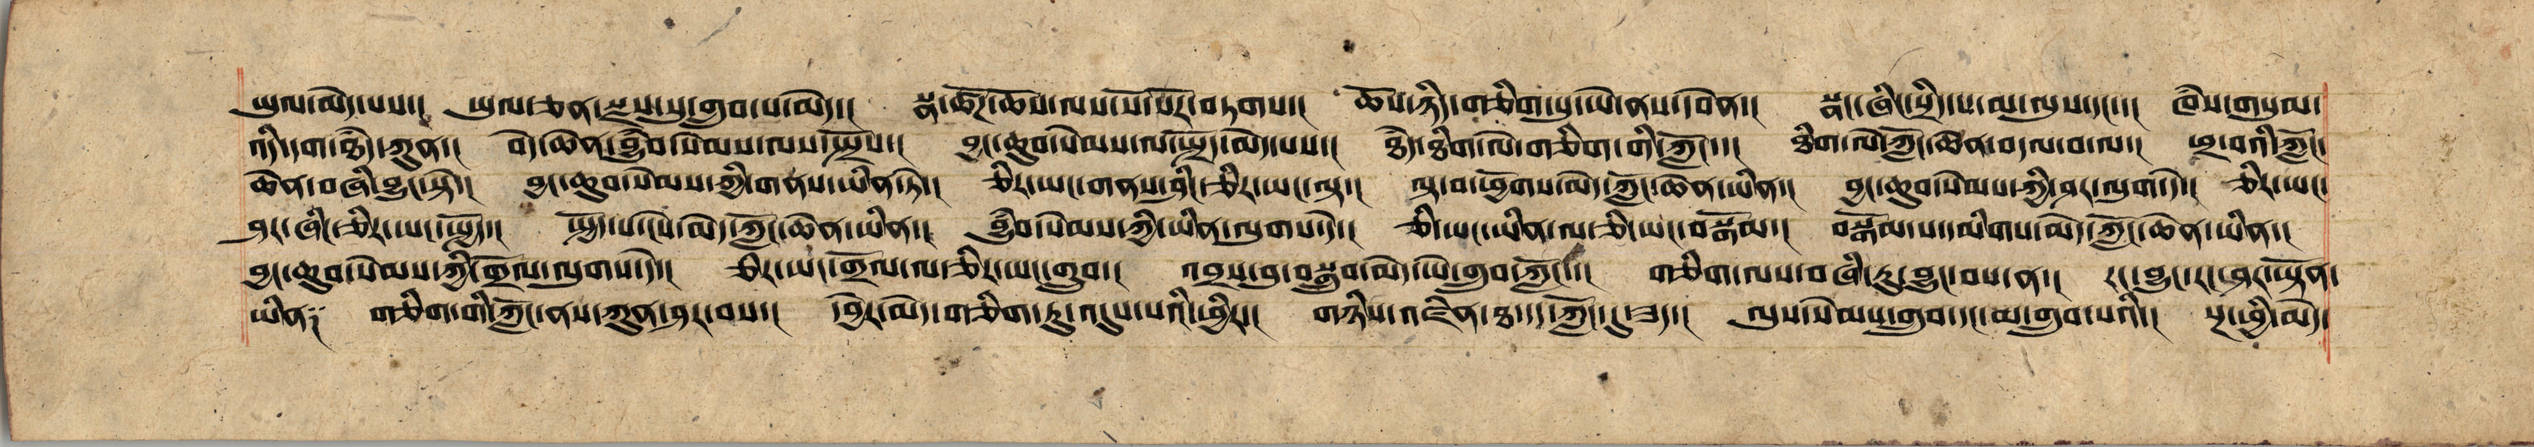ཡུལ་མེད་པས་། ཡུལ་ཅན་སྫས་སུ་གྲུབ་པ་མེད་། སྣ་ཚོཌ་ཆོས་ལས་སོ་སོར་བཏགས་། ཆོས་ཉིད་གཅིག་པུ་ཡེ་ནས་དབེན་། སྣང་ཞིང་སྲིད་པ་མ་ལུས་དང་་། ཁཾས་གསུམ་
འདི་དག་ཐཾད་ཀུན་། བདེ་ཆེན་བྱུཾབ་སེམས་ལས་སྤྲོས་། བྱང་ཆུབ་སེམས་ལ་སྤྲོད་མེད་པས་། ཐཾད་ཐིག་ལེ་གཅིག་གི་ཀློང་་། ཐིག་ལེ་ཀློང་ཆེན་བདལ་བ་ལ་། ཕྲ་བའི་ཀློང་
ཆེན་བཞི་བྱུང་སྟེ་། བྱང་ཆུབ་སེམས་ཀྱི་གནས་ཡིན་ཏེ་། ཅིར་ཡང་གནས་ཤིང་ཅིར་ཡང་ལྟ་། ལྟ་བ་ཕྱོགས་མེད་ཀློང་ཆེན་ཡིན་། བྱང་ཆུབ་སེམས་ཀྱི་ཤར་ལུག་དེ་། ཅིར་ཡང་
ཤར་ཞིང་ཅིར་ཡང་སྤྱོད་། སྤྱོད་པ་ངེས་མེད་ཀློང་ཆེན་ཡིན་། བྱུཾབ་སེམས་ཀྱི་ཡིན་ལུགས་དེ་། ཅི་ཡང་ཡིན་ལ་ཅི་ཡང་བསྒོམ་། བསྒོམ་པ་དམིགས་མེད་ཀློང་ཆེན་་ཡིན་།
བྱང་ཆུབ་སེམས་ཀྱི་གྲོལ་ལུགས་དེ་། ཅིར་ཡང་གྲོལ་ལ་ཅིར་ཡང་གྲུབ་། འབྲས་བུ་བསྒྲུབ་མེད་ཡེ་གྲུབ་ཀློང་་། གཅིག་ལས་བཞི་རུ་བྱུང་བས་ན་། རང་བྱུང་རང་ཤར་ཡྟོན་
ཡིན༑ གཅིག་གི་ཀློང་ནས་ཀུན་ཤར་བས་། དབྱེར་མེད་གཅིག་ཏུ་འདུས་པའི་ཕྱིར་། གཉིས་འཛིན་ཐ་དད་ཀློང་དུ་ཟད་། ལུས་སེམས་གྲུབ་དང་མ་གྲུབ་པའི་། སྔ་ཕྱི་མེད་